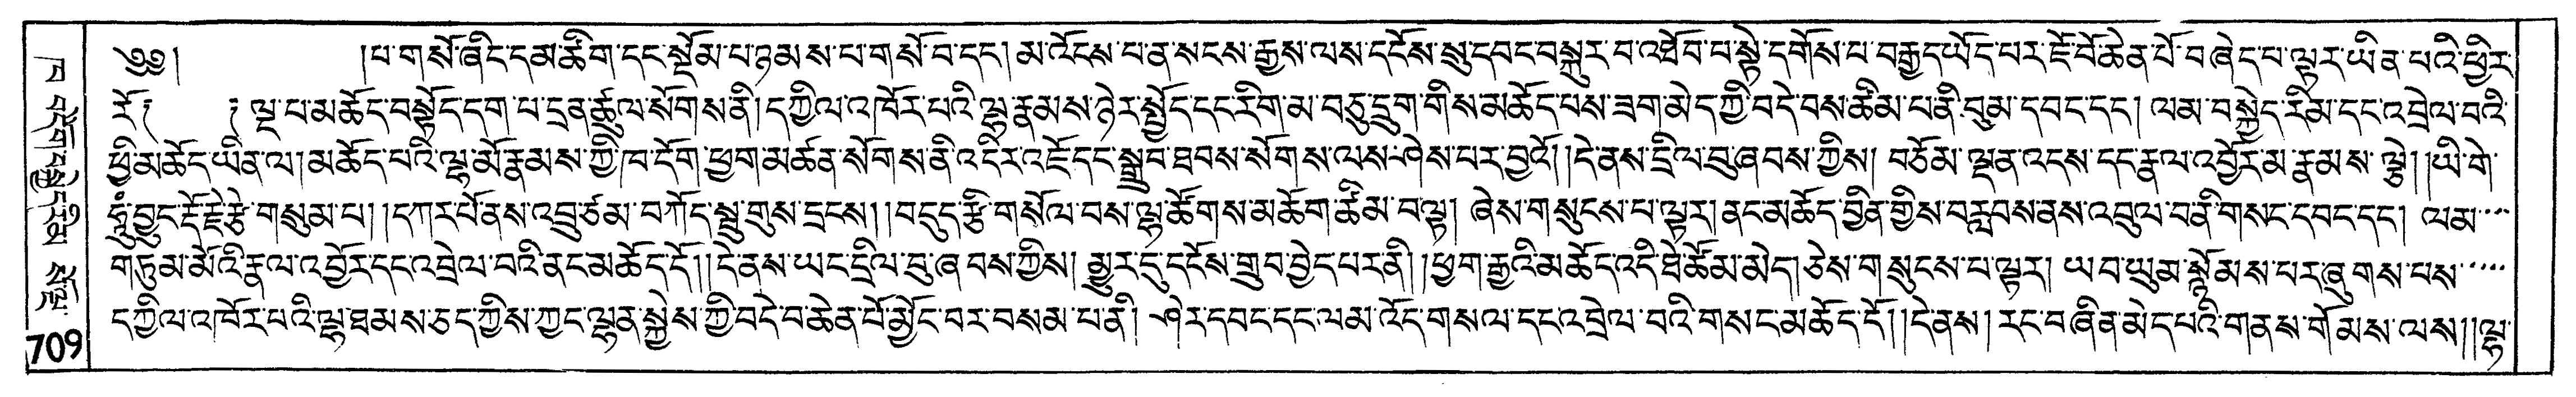༄༅། །པ་གསོ་ཞིང་དམ་ཚིག་དང་སྡོམ་པ་ཉམས་པ་གསོ་བ་དང་། མ་འོངས་པ་ན་སངས་རྒྱས་ལས་དངོས་སུ་དབང་བསྐུར་བ་འཐོབ་པ་སྟེ་དགོས་པ་བརྒྱད་ཡོད་པར་ཇོ་བོ་ཆེན་པོ་བཞེད་པ་ལྟར་ཡིན་པའི་ཕྱིར་
རོ༑ ༑ལྔ་པ་མཆོད་བསྟོད་དག་པ་དྲན་ཚུལ་སོགས་ནི། དཀྱིལ་འཁོར་པའི་ལྷ་རྣམས་ཉེར་སྤྱོད་དང་རིག་མ་བཅུ་དྲུག་གིས་མཆོད་པས་ཟག་མེད་ཀྱི་བདེ་བས་ཚིམ་པ་ནི་བུམ་དབང་དང་། ལམ་བསྐྱེད་རིམ་དང་འབྲེལ་བའི་
ཕྱི་མཆོད་ཡིན་ལ། མཆོད་པའི་ལྷ་མོ་རྣམས་ཀྱི་ཁ་དོག་ཕྱག་མཚན་སོགས་ནི་འདིར་འཇོ་དང་སྒྲུབ་ཐབས་སོགས་ལས་ཤེས་པར་བྱའོ། །དེ་ནས་དྲིལ་བུ་ཞབས་ཀྱིས། བཅོམ་ལྡན་འདས་དང་རྣལ་འབྱོར་མ་རྣམས་ལྕེ། །ཡི་གེ་
ཧཱུཾ་བྱུང་རྡོ་རྗེ་རྩེ་གསུམ་པ། །དཀར་པོ་ནས་འབྲུ་ཙམ་བཀོད་སྦུ་གུས་དྲངས། །བདུད་རྩི་གསོལ་བས་ལྷ་ཚོགས་མཆོག་ཚིམ་བལྟ། ཞེས་གསུངས་པ་ལྟར། ནང་མཆོད་བྱིན་གྱིས་བརླབས་ནས་འབུལ་བ་ནི་གསང་དབང་དང་། ལམ་
གཏུམ་མོའི་རྣལ་འབྱོར་དང་འབྲེལ་བའི་ནང་མཆོད་དོ། །དེ་ནས་ཡང་དྲིལ་བུ་ཞབས་ཀྱིས། མྱུར་དུ་དངོས་གྲུབ་བྱེད་པར་ནི། །ཕྱག་རྒྱའི་མཆོད་འདི་ཐེ་ཚོམ་མེད། ཅེས་གསུངས་པ་ལྟར། ཡབ་ཡུམ་སྙོམས་པར་ཞུགས་པས་
དཀྱིལ་འཁོར་པའི་ལྷ་ཐམས་ཅད་ཀྱིས་ཀྱང་ལྷན་སྐྱེས་ཀྱི་བདེ་བ་ཆེན་པོ་མྱོང་བར་བསམ་པ་ནི། ཤེར་དབང་དང་ལམ་འོད་གསལ་དང་འབྲེལ་བའི་གསང་མཆོད་དོ། །དེ་ནས། རང་བཞིན་མེད་པའི་གནས་གོམས་ལས། །ལྷ་